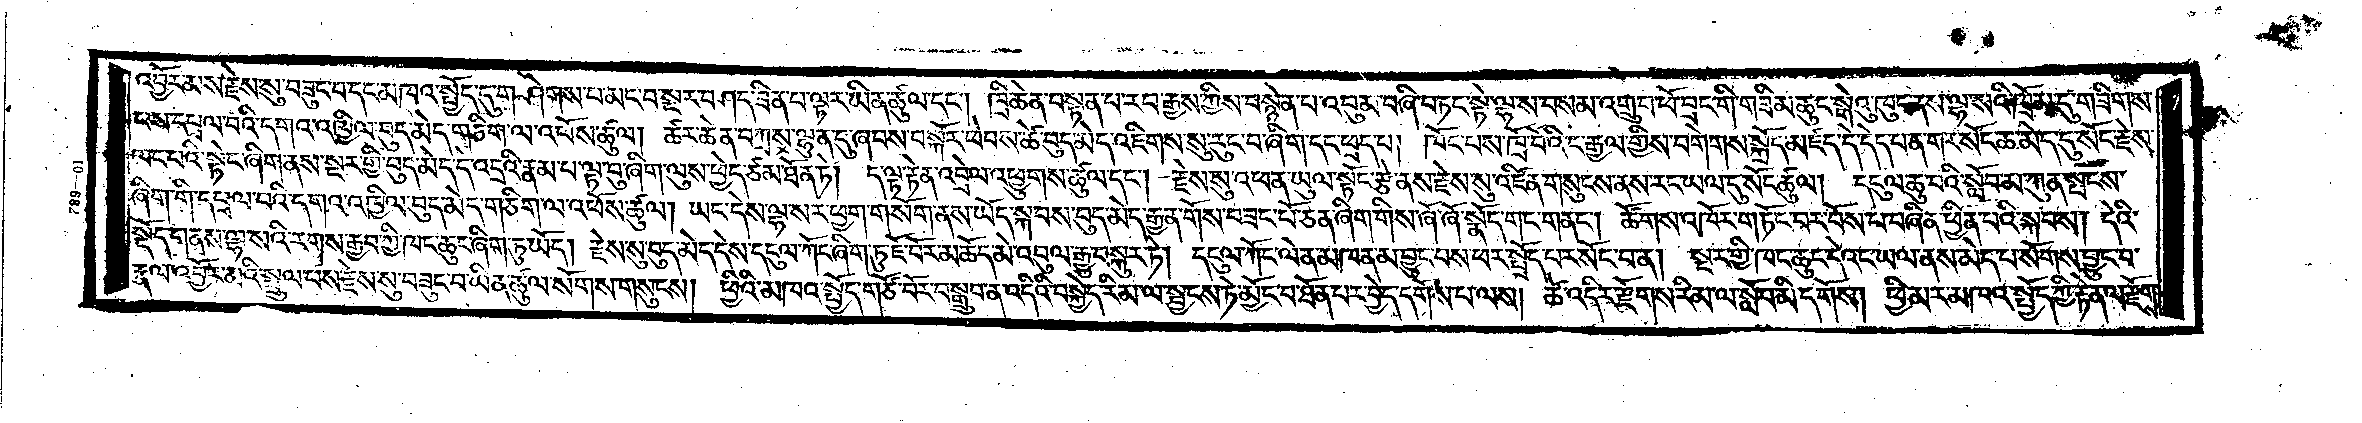འབྱོར་མས་རྗེས་སུ་བཟུང་བ་དང་མཁའ་སྤྱོད་དུ་གཤེགས་པ་མང་བ་སྔར་བཤད་ཟིན་པ་ལྟར་ཡིན་ཚུལ་དང་། ཁྲི་ཆེན་བསྟན་པ་རབ་རྒྱས་གྱིས་བསྙེན་པ་འབུམ་བཞི་བཏང་སྟེ་ལྷ་ས་བསམ་འགྲུབ་ཕོ་བྲང་གི་གཟིམ་ཆུང་སྒེའུ་ཁུང་ནས་ལྷ་སའི་ཁྲོམ་དུ་གཟིགས་
པས་དཔྲལ་བའི་དགའ་འཁྱིལ་བུད་མེད་གཅིག་ལ་འཕོས་ཚུལ། ཚར་ཆེན་བཀྲས་ལྷུན་དུ་ཞབས་བསྐོར་ཕེབས་ཚེ་བུད་མེད་འཇིགས་སུ་རུང་བ་ཞིག་དང་ཕྲད་པ། ཁོང་པས་ཁྲོ་བོའི་ང་རྒྱལ་གྱིས་བགེགས་སྐྲོད་མཛད་དེ་དེད་པ་ན་གར་སོང་ཆ་མེད་དུ་སོང་རྗེས་
ཁང་པའི་སྟེང་ཞིག་ནས་སྔར་གྱི་བུད་མེད་དེ་འདྲའི་རྣམ་པ་ལྟ་བུ་ཞིག་ལུས་ཕྱེད་ཙམ་ཐོན་ཏེ། ད་ལྟ་རྟེན་འབྲེལ་འཕྱུགས་ཚུལ་དང་། རྗེས་སུ་འཕན་ཡུལ་སྟོང་རྩེ་ནས་རྗེས་སུ་འཛིན་གསུངས་ནས་རང་ཡལ་དུ་སོང་ཚུལ། དངུལ་ཆུ་བའི་སློབ་མ་ཀུན་སྤངས་
ཞིག་གི་དཔྲལ་བའི་དགའ་འཁྱིལ་བུད་མེད་གཅིག་ལ་འཕོས་ཚུལ། ཡང་དེས་ལྷ་སར་ཕྱག་གསོག་ནས་ཡོད་སྐབས་བུད་མེད་རྒྱན་གོས་བཟང་པོ་ཅན་ཞིག་གིས་ཞོ་ཞོ་སྣོད་གང་གནང་། ཚོགས་འཁོར་གཏོང་བར་བོས་པ་བཞིན་ཕྱིན་པའི་སྐབས། དེའི་
སྡོད་གནས་ལྷ་སའི་རགས་རྒྱབ་ཀྱི་ཁང་ཆུང་ཞིག་ཏུ་ཡོད། རྗེས་སུ་བུད་མེད་དེས་དངུལ་ཀོང་ཞིག་ཏུ་ཇོ་བོར་མཆོད་མེ་འབུལ་རྒྱུ་བསྐུར་ཏེ། དངུལ་ཀོང་ལེན་མཁན་མ་བྱུང་བས་ཕར་སྤྲོད་པར་སོང་བ་ན། སྔར་གྱི་ཁང་ཆུང་དེའང་ཡལ་ནས་མེད་པ་སོགས་བྱུང་བ་
རྣལ་འབྱོར་མའི་སྤྲུལ་པས་རྗེས་སུ་བཟུང་བ་ཡིན་ཚུལ་སོགས་གསུངས། ཕྱིའི་མཁའ་སྤྱོད་གཙོ་བོར་བསྒྲུབ་ན་འདིའི་བསྐྱེད་རིམ་ལ་སྦྱངས་ཏེ་མྱོང་བ་ཐོན་པར་བྱེད་དགོས་པ་ལས། ཚེ་འདིར་རྫོགས་རིམ་ལ་སློབ་མི་དགོས། ཕྱི་མར་མཁའ་སྤྱོད་ཀྱི་རྟེན་ལ་རྫོགས་